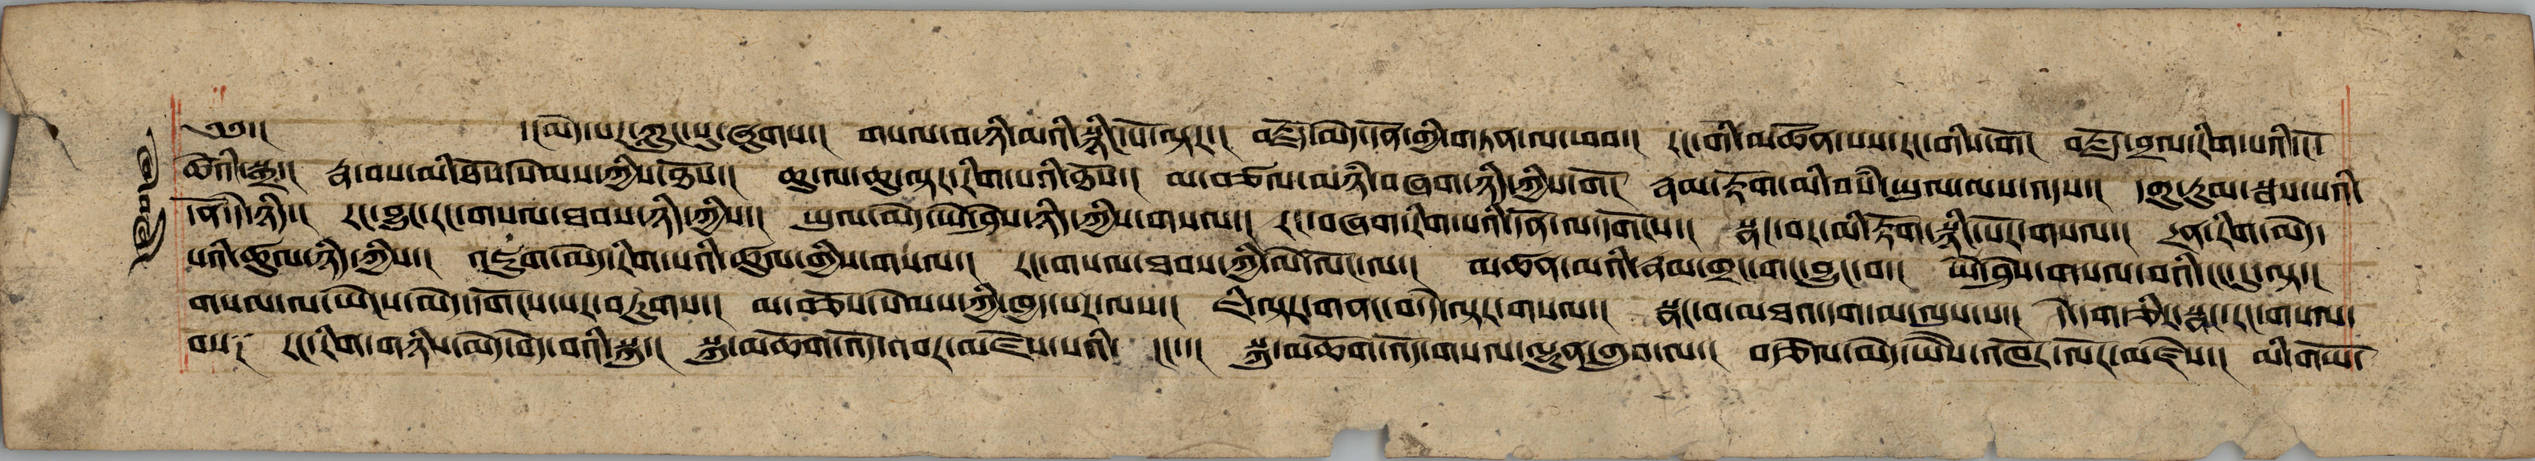༄༅་། ་།མེད་པར་ཀླུང་སུ་ཞུགས་། གསལ་བ་ཉི་མའི་སྙིང་པོ་ལྟར་། བརྗོད་མེད་དོན་གྱི་གཏན་ལ་ཕབ་། རང་གི་མཚོན་པས་རང་གིས་གོ་། བརྗོད་བྲལ་རིག་པའི་ངོ་
ཚེའི་སྒྲ་། རྣ་བས་མི་ཐོས་སེམས་ཀྱིས་ཐོས་། ཆུ་ལ་ཆུ་ལྟར་རིག་པའི་ཐོས་། མ་བཙལ་མཉཾ་བཞག་ཉིད་ཀྱིས་གོ། རྣམ་རྟོག་མི་བསཾ་ཡུལ་ལས་འདས་། དགུ་རུམ་སྦས་པའི་
དོན་དེ་ཉིད་། རང་བྱུང་རང་གསལ་ཐབས་ཉིད་ཀྱིས་། ཡུལ་མེད་ཡེ་ཤེས་ཉིད་ཀྱིས་གསལ་། རང་བཞག་རིག་པའི་དོན་ལ་དགོངས་། སྣང་བར་མི་རྟོག་སྙིང་པོར་གསལ་། དྲན་རིག་མེད་
པའི་ཚུལ་ཉིད་ཀྱིས་། འཇུག་མེད་རིག་པའི་ཚུལ་གྱིས་གསལ་། རང་གསལ་ཐབས་ཀྱི་མེ་ལོང་ལ་། མཚན་མའི་རྣམ་གྲང་གང་བྱུང་བ་། ཡེ་ཤེས་གསལ་བའི་ངང་དུ་ལྟ་།
གསལ་ལ་ཡེངས་མེད་དགོངས་པར་བཏུགས་། མ་བཅོས་སེམས་ཀྱི་ཁྱད་པར་ལས་། ཇི་ལྟར་གནང་བ་དེ་ལྟར་གསལ་། སྣང་བ་མཐའ་དག་མ་ལུས་པ་། དེ་དག་ཅིར་སྣང་རང་གསལ་
བས༑ རང་རིག་གཉིས་མེད་བདེ་བའི་སྐུ་། སྐུ་མཆོག་འོད་འབར་མཛེས་པའི་ ངང་་། སྐུ་མཆོག་འོད་གསལ་ལྷུན་གྲུབ་ལ་། བརྩོལ་མེད་ཡཻས་འཁོར་ལོར་མཛེས་། མི་གཡོ་